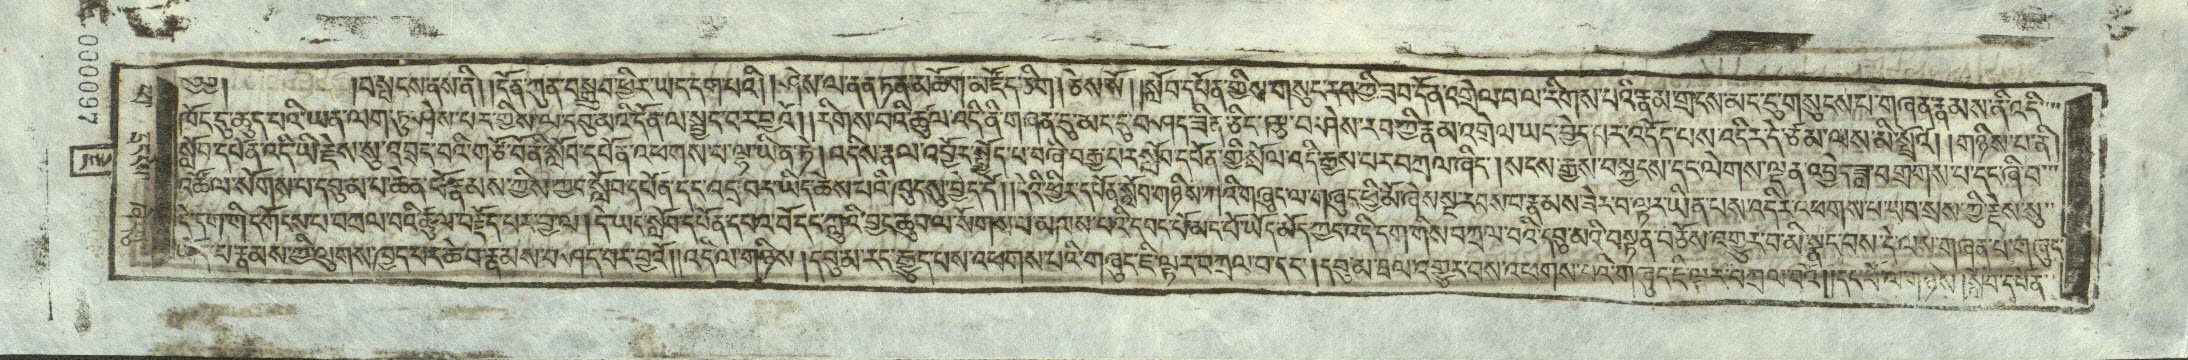༄༅། །བ་སྤངས་ནས་ནི། །དོན་ཀུན་བསྒྲུབ་ཕྱིར་ཡང་དག་པའི། །ཤེས་ལ་ནན་ཏན་མཆོག་མཛོད་ཅིག །ཅེས་སོ། །སློབ་དཔོན་གྱིས་གསུང་རབ་ཀྱི་ཟབ་དོན་འགྲེལ་པ་ལ་རིགས་པའི་རྣམ་གྲངས་མང་དུ་གསུངས་པ་གཞན་རྣམས་ནི་འདི་
ཁོང་དུ་ཆུད་པའི་ཡན་ལག་ཏུ་ཤེས་པར་གྱིས་ལ་དབུ་མའི་དོན་ལ་སྦྱང་བར་བྱའོ། །རིགས་པའི་ཚུལ་འདི་ནི་གཞན་དུ་མང་དུ་བཤད་ཟིན་ཅིང་། རྩ་བ་ཤེས་རབ་ཀྱི་རྣམ་འགྲེལ་ཡང་བྱེད་པར་འདོད་པས་འདིར་དེ་ཙམ་ལས་མི་སྤྲོའོ། །གཉིས་པ་ནི།
སློབ་དཔོན་འདི་ཡི་རྗེས་སུ་འབྲང་བའི་གཙོ་བོ་ནི་སློབ་དཔོན་འཕགས་པ་ལྷ་ཡིན་ཏེ། འདིས་རྣལ་འབྱོར་སྤྱོད་པ་བཞི་བརྒྱ་པར་སློབ་དཔོན་གྱི་སྲོལ་འདི་རྒྱས་པར་བཀྲལ་ཞིང་། སངས་རྒྱས་བསྐྱངས་དང་ལེགས་ལྡན་འབྱེད་ཟླ་བ་གྲགས་པ་དང་ཞི་བ་
འཚོ་ལ་སོགས་པ་དབུ་མ་པ་ཆེན་པོ་རྣམས་ཀྱིས་ཀྱང་སློབ་དཔོན་དང་འདྲ་བར་ཡིད་ཆེས་པའི་ཁུངས་སུ་བྱེད་དོ། །དེའི་ཕྱིར་ཕྱིར་དཔོན་སློབ་གཉིས་ཀའི་གཞུང་ལ་གཞུང་ཕྱི་མོ་ཞེས་སྔ་རབས་པ་རྣམས་ཟེར་བ་ལྟར་ཡིན་པས་འདིར་འཕགས་པ་ཡབ་སྲས་ཀྱི་རྗེས་སུ་
དེ་དག་གི་དགོངས་པ་བཀྲལ་བའི་ཚུལ་བརྗོད་བར་བྱ་ལ། དེ་ཡང་སློབ་དཔོན་དཔའ་བོ་དང་ཀླུའི་བྱང་ཆུབ་ལ་སོགས་པ་མཁས་པའི་དབང་པོ་མང་པོ་ཡོད་མོད་ཀྱང་འདི་དག་གིས་བཀྲལ་བའི་དབུ་མའི་བསྟན་བཅོས་འགྱུར་བ་མི་སྣང་བས་དེ་ལས་གཞན་པ་གཞུང་
ཡོད་པ་རྣམས་ཀྱི་ལུགས་ཁྱད་པར་ཆེ་བ་རྣམས་བཤད་པར་བྱའོ། །འདི་ལ་གཉིས། དབུ་མ་རང་རྒྱུད་པས་འཕགས་པའི་གཞུང་ཇི་ལྟར་བཀྲལ་བ་དང་། དབུ་མ་ཐལ་འགྱུར་བས་འཕགས་པའི་གཞུང་ཇི་ལྟར་བཀྲལ་བའོ། །དང་པོ་ལ་གཉིས། སློབ་དཔོན་